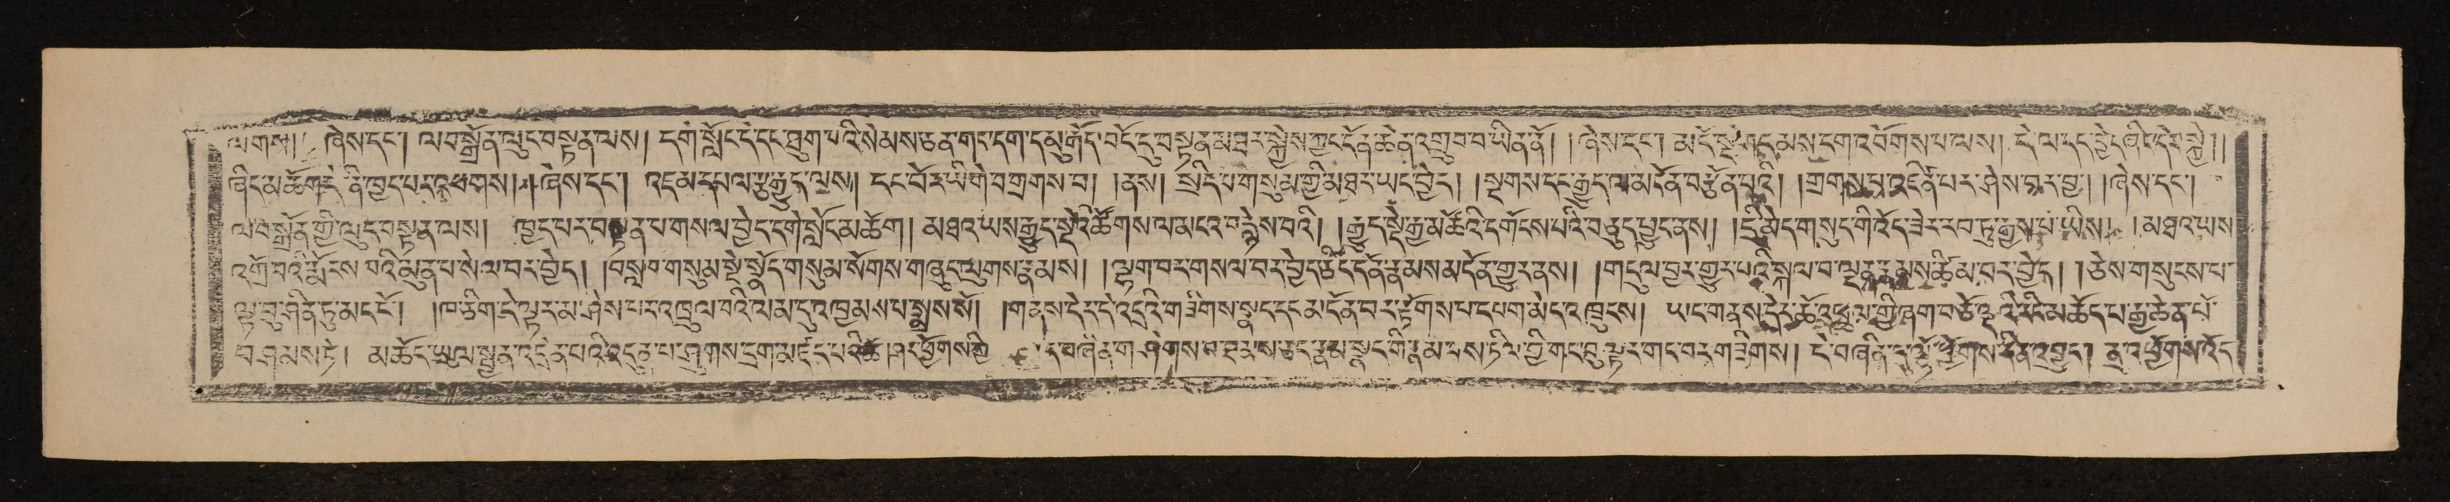ལགས། ཞེས་དང་། ལབ་སྒྲོན་ལུང་བསྟན་ལས། དགེ་སློང་དེ་དང་ཐུག་པའི་སེམས་ཅན་གང་དག་དམུ་རྒོད་བོད་དུ་བསྟན་མཐར་སྐྱེས་ཀྱང་དོན་ཆེན་འགྲུབ་བ་ཡིན་ནོ། །ཞེས་དང་། མདོ་སྡེ་གདམས་ངག་འབོགས་པ་ལས། དེ་ལ་དད་བྱེད་ཞིང་དེར་སྐྱེ། །
ཞིང་མཆོག་དེ་ནི་ཁྱད་པར་འཕགས། །ཞེས་དང་། འཇམ་དཔལ་རྩ་རྒྱུད་ལས། དང་པོར་ཡི་གེ་བ་གྲགས་པ། །ནས། སྲིད་པ་གསུམ་གྱི་མཐར་ཡང་བྱེད། །སྔགས་དང་རྒྱུད་ལ་མངོན་བརྩོན་པའི། །གྲགས་པ་འཛིན་པར་ཤེས་པར་བྱ། །ཞེས་དང་།
ལ་བསྒྲོན་གྱི་ལུང་བསྟན་ལས། ཁྱད་པར་བསྟན་པ་གསལ་བྱེད་དགེ་སློང་མཆོག །མཐའ་ཡས་རྒྱུད་སྡེའི་ཚོགས་ལ་མངའ་བརྙེས་པའི། །རྒྱུད་སྡེ་རྒྱ་མཚོའི་དགོངས་པའི་བཅུད་ཕྱུང་ནས། །དྲི་མེད་གསུང་གི་འོད་ཟེར་རབ་ཏུ་རྒྱས་པ་ཡིས། །མཐའ་ཡས་
འགྲོ་བའི་རྨོངས་པའི་མུན་པ་སེལ་བར་བྱེད། །བསླབ་གསུམ་སྡེ་སྣོད་གསུམ་སོགས་གཞུང་ལུགས་རྣམས། །ལྷག་པར་གསལ་བར་བྱེད་ཅིང་དོན་རྣམས་མངོན་གྱུར་ནས། །གདུལ་བྱར་གྱུར་པའི་སྐལ་པ་ལྡན་རྣམས་ཚིམ་པར་བྱེད། །ཅེས་གསུངས་པ་
ལྟ་བུ་ཤིན་ཏུ་མང་ངོ། །ཁ་ཅིག་དེ་ལྟར་མ་ཤེས་པར་འཁྲུལ་བའི་ལམ་དུ་འཁྱམས་པ་སྨྲས་སོ། །གནས་དེར་དེ་འདྲའི་གཟིགས་སྣང་དང་མངོན་པར་རྟོགས་པ་དཔག་མེད་འཁྲུངས། ཡང་གནས་དེར་ཆོ་འཕྲུལ་གྱི་ཞག་བཅོ་ལྔའི་རིང་མཆོད་པ་རྒྱ་ཆེན་པོ་
བཤམས་ཏེ། མཆོད་ཡུལ་སྤྱན་འདྲེན་པའི་འདུན་པ་ཤུགས་དྲག་མཛད་པའི་ཚེ། ཤར་ཕྱོགས་ཀྱི་དེ་བཞིན་གཤེགས་པ་ཐམས་ཅད་རྣམ་སྣང་གི་རྣམ་པས་ཏིལ་གྱི་གང་བུ་ལྟར་གང་བར་གཟིགས། དེ་བཞིན་དུ་ལྷོ་ཕྱོགས་རིན་འབྱུང་། ནུབ་ཕྱོགས་འོད་